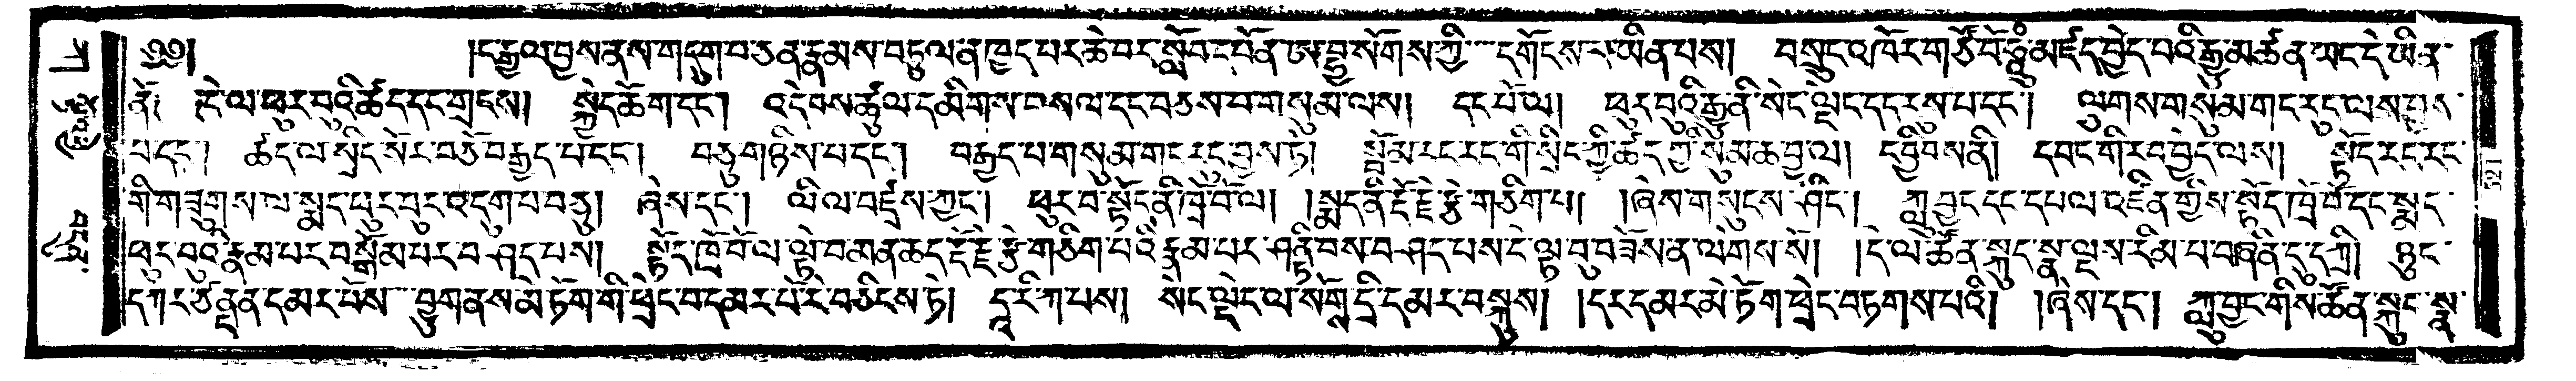༄༅། །ང་རྒྱལ་བྱས་ནས་གདུག་བཅན་རྣམས་བཏུལ་ན་ཁྱད་པར་ཆེ་བར་སློབ་དབོན་ཨ་བྷྱ་སོགས་ཀྱི་དགོངས་པ་ཡིན་པས། བསྲུང་འཁོར་གཙོ་བོ་ཧཱུཾ་མཛད་བྱེད་པའི་རྒྱུ་མཚན་ཡང་དེ་ཡིན་
ནོ། །དེ་ལ་ཕུར་བུའི་ཚེད་དང་གྲངས། སྐྱེད་ཆོག་དང་། འདེབས་ཚུལ་དམིགས་བསལ་དང་བཅས་པ་གསུམ་ལས། དང་པོ་ལ། ཕུར་བུའི་རྒྱུ་ནི་སེང་ལྡེང་དང་རུས་པ་དང་། ལྕགས་གསུམ་གང་རུང་ལས་བྱས་
པ་དང་། ཚད་ལ་སྲིད་སོར་བཅོ་བརྒྱད་པ་དང་། བཅུ་གཉིས་པ་དང་། བརྒྱད་པ་གསུམ་གང་རུང་བྱས་ཏེ། སྦོམ་རང་རང་གི་སྲིད་ཀྱི་ཚད་ཀྱི་སུམ་ཆ་བྱ་ལ། དབྱིབས་ནི། དབང་གི་རབ་བྱེད་ལས། སྟོད་རང་རང་
གི་གཟུགས་ལ་སྨད་ཕུར་བུར་འདུག་པ་བཅུ། ཞེས་དང་། ལི་ལ་བཛྲས་ཀྱང་། ཕུར་བ་སྟོང་ནི་ཁྲོ་བོ་ལ། །སྨད་ནི་རྡོ་རྗེ་རྩེ་གཅིག་པ། །ཞེས་གསུངས་ཤིང་། ཀླུ་བྱུང་དང་དཔལ་འཛིན་གྱིས་སྟོད་ཁྲོ་བོ་དང་སྨད་
ཕུར་བུའི་རྣམ་པར་བསྒོམ་པར་བཤད་པས། སྟོད་ཁྲོ་བོ་ལ་ལྟེ་བ་མན་ཆད་རྡོ་རྗེ་རྩེ་གཅིག་པའི་རྣམ་པར་ཤནྟི་བས་བཤད་པས་ངེ་ལྟ་བུ་བཟོས་ན་ལེགས་སོ། །དེ་ལ་ཚོན་སྐུད་སྣ་ལྔས་རིམ་པ་བཞིན་དུ་དཀྲི། ཉུང་
དཀར་ཙནྡན་དམར་པོས་བྱུག་ནས་མེ་ཏོག་གི་ཕྲེང་བ་དམར་པོ་རེ་བཅིངས་ཏེ། དཱ་རི་ཀ་པས། སེང་ལྡེང་ལ་སོགས་དྲི་དམར་བསྐུས། །དར་དམར་མེ་ཏོག་ཕྲེང་བཏགས་པའི། །ཞེས་དང་། ཀླུ་བྱང་གིས་ཚོན་སྐུང་སྣ་